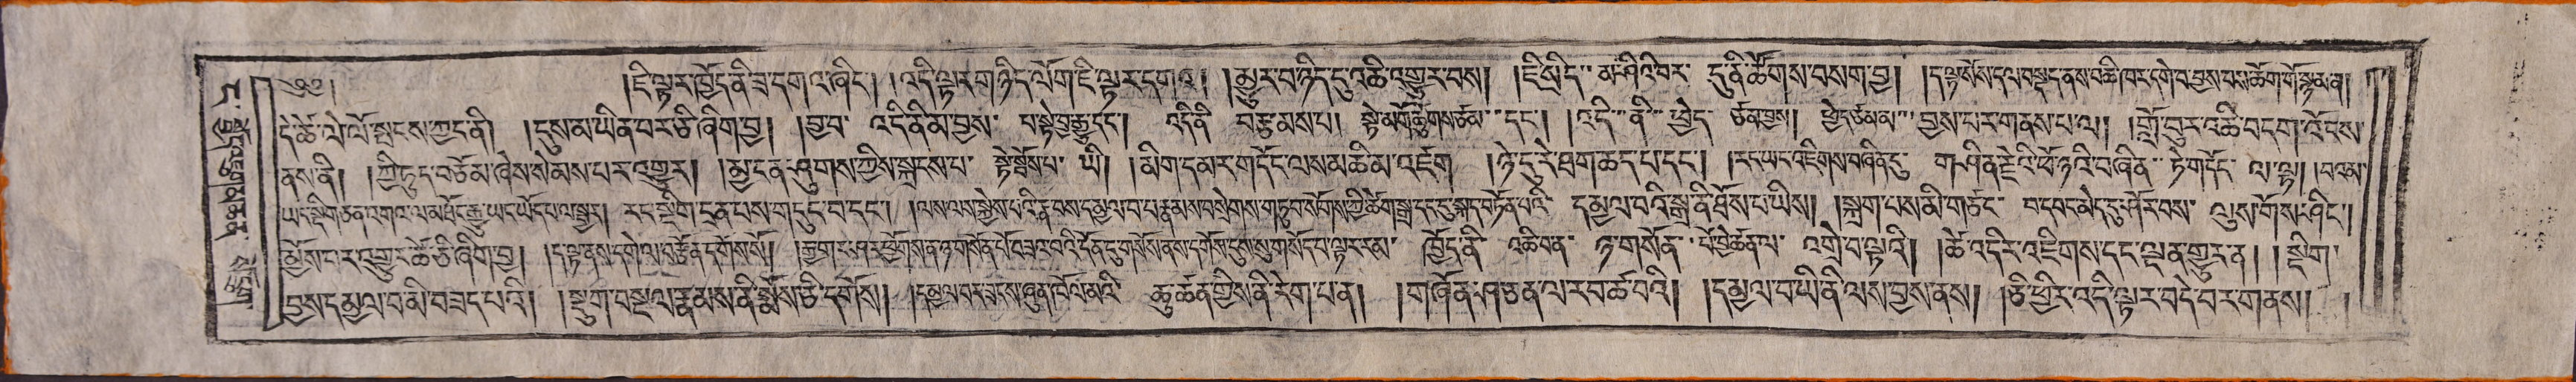༄༅། །ཇི་ལྟར་ཁྱོད་ནི་ཟ་དགའ་ཞིང་། ། འདི་ལྟར་གཉིད་ལོག་ཇི་ལྟར་དགའ། །མྱུར་བ་ཉིད་དུ་འཆི་འགྱུར་བས། །ཇི་སྲིད་མ་ཤིའི་བར་དུ་ནི་ཚོགས་བསག་བྱ། །ད་ལྟ་སོས་དལ་བསྡད་ནས་འཆི་ཁར་དགེ་བ་བྱས་པས་ཆོག་གོ་སྙམ་ན།
དེ་ཚེ་ལེ་ལོ་སྤངས་ཀྱང་ནི། །དུས་མ་ཡིན་པར་ཅི་ཞིག་བྱ། །བྱ་བ་འདི་ནི་མ་བྱས་པ་སྟེ་བྱ་རྒྱུ་དང་། འདི་ནི་བརྩམས་པ་སྟེ་མགོ་ཚུགས་ཙམ་དང་། །འདི་ནི་ཕྱེད་ཙམ་བྱས། ཕྱེད་ཙམ་མ་བྱས་པར་གནས་པ་ལ། །གློ་བུར་འཆི་བདག་འོངས་
ནས་ནི། །ཀྱི་ཧུད་བཅོམ་ཞེས་སེམས་པར་འགྱུར། །མྱ་ངན་ཤུགས་ཀྱིས་སྐྲངས་པ་སྟེ་སྤོས་པ་ཡི། །མིག་དམར་གདོང་ལས་མཆི་མ་འཛག། །ཉ་དུ་རེ་ཐག་ཆད་པ་དང་། །རང་ཡང་འཇིགས་བཞིན་དུ་གཤིན་རྗེའི་ཕོ་ཉའི་བཞིན་ཏེ་གདོང་ལ་ལྟ། །བའམ།
ཡང་སྡིག་ཅན་འགའ་ལ་མཐོང་རྒྱུ་ཡང་ཡོད་པ་ལ་སྦྱར། རང་སྡིག་དྲན་པས་གདུང་བ་དང་། །ལས་ལས་སྐྱེས་པའི་རྣ་བས་དམྱལ་བ་པ་རྣམས་བསྲེགས་གཏུབ་སོགས་ཀྱི་ཚེག་སྒྲ་དང་དུ་སྐད་བཏོན་པའི་དམྱལ་བའི་སྒྲ་ནི་ཐོས་པ་ཡིས། །སྐྲག་པས་མི་གཙང་པ་དབང་མེད་དུ་ཤོར་པས་ལུས་གོས་ཤིང།།
མྱོས་པར་འགྱུར་ཚེ་ཅི་ཞིག་བྱ། །ད་ལྟ་ནས་དགེ་ལ་བརྩོན་དགོས་སོ། །རྒྱ་གར་ཤར་ཕྱོགས་ན་ཉ་གསོན་པོ་བཟའ་བའི་དོན་དུ་གསོས་ནས་དགོས་དུས་སུ་གསོད་པ་ལྟར་རམ་ཁྱོད་ནི་འཆི་བ་ན་ཉ་གསོན་པོ་བྱེ་ཚན་པ་འགྲེ་བ་ལྟའི། །ཚེ་འདིར་འཇིགས་དང་ལྡན་གྱུར་ན། །སྡིག་
བྱས་དམྱལ་བ་མི་བཟད་པའི། །སྡུག་བསྔལ་རྣམས་ནི་སྨོས་ཅི་དགོས། །དམྱལ་བར་ཟངས་ཞུན་ཁོལ་མའི་ཆུ་ཚན་གྱིས་ནི་རེག་པ་ན། །གཞོན་ཤ་ཅན་ལ་རབ་ཚ་བའི། །དམྱལ་བ་ཡི་ནི་ལས་བྱས་ནས། །ཅི་ཕྱིར་འདི་ལྟར་བདེ་བར་གནས། །